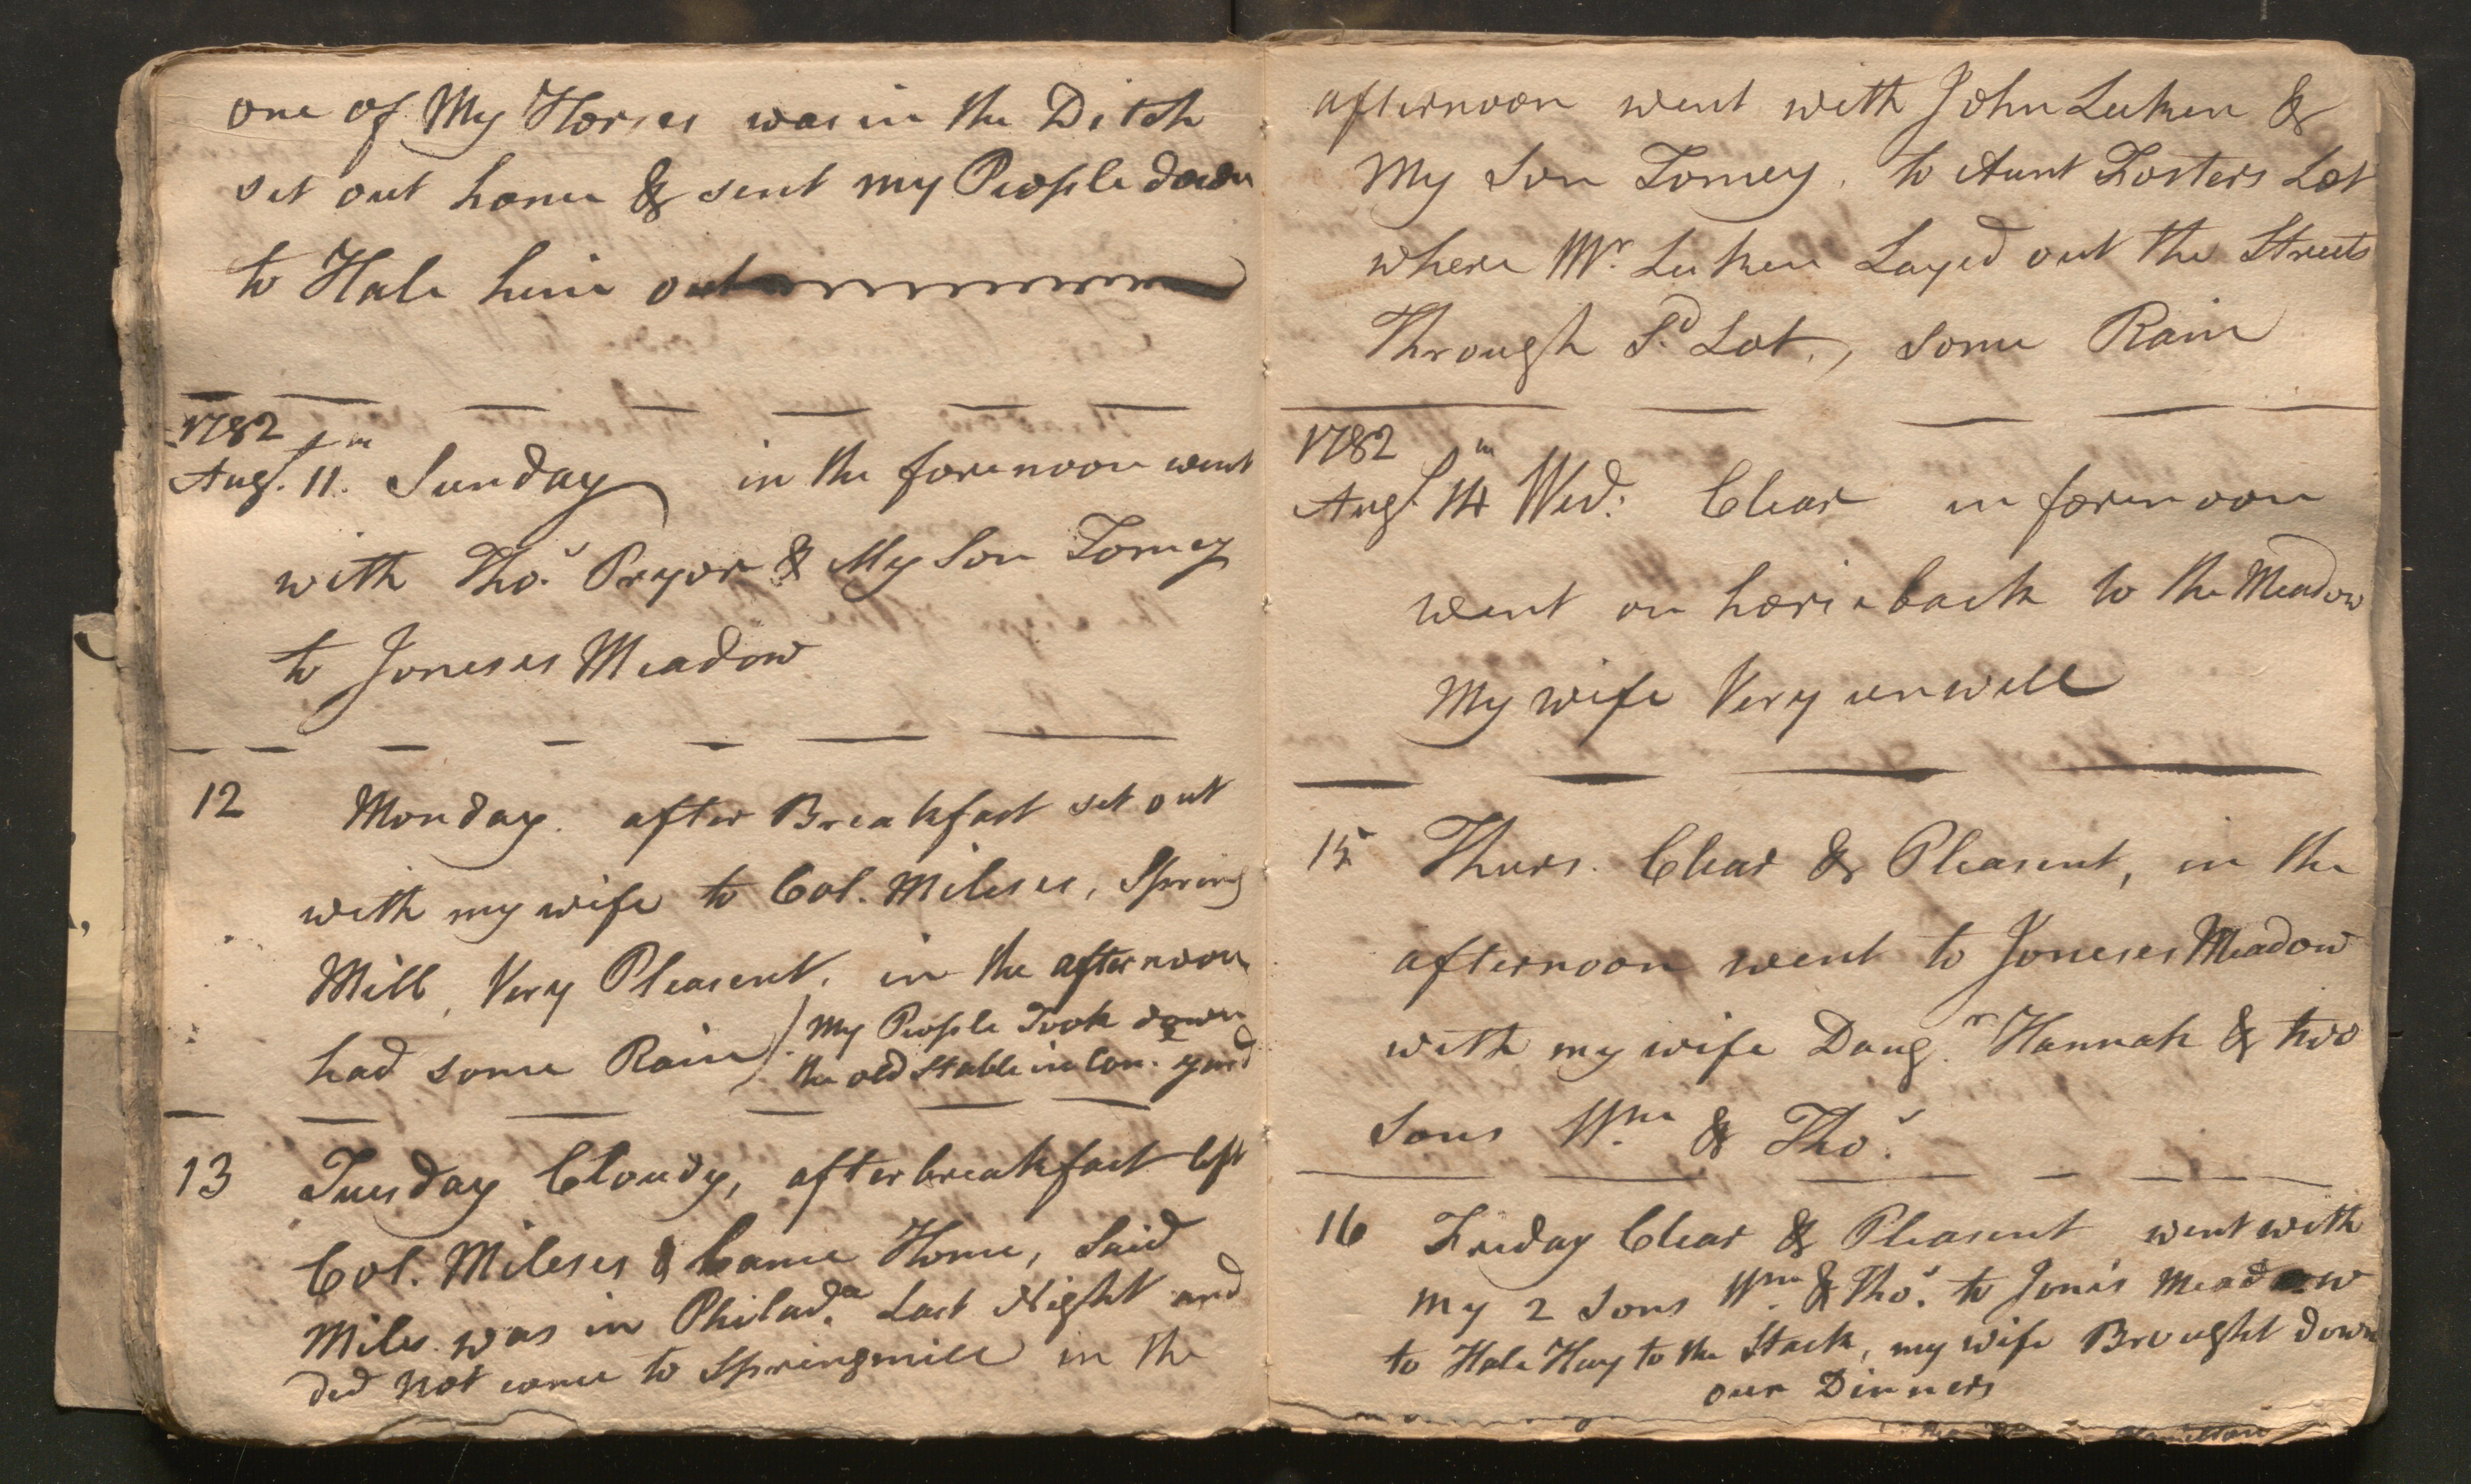one of. My Horses was in the Ditch
to Hale him out
1782
Aug^t. 11^h. Sunday in the forenoon went
with Tho^s. Pryor & My son Tomey
to Joneses Meadow
12 Monday. after Breakfast set out
with my wife to Col. Mileses, Spring
Mill Very Pleasent. in the afternoon
had some Rain
My People Took down
the old Stable in Con^l. yard
13 Tuesday Cloudy, after breakfast left
Col. Mileses & Came Home, said
Miles was in Philad^a. Last Night and
did not come to sprringmill in the
1782
set out home & sent my People down
afternoon went with John Luken &
My Son Tomey to Aunt Fosters Lot
where M^r. Luken Layed out the Streets
Through s^d. Lot., some Rain
Ang^t. 14 Wed: Clear in forenoon
went on horse back to the Meadon
My wife Very unwell
15 Thurs. Clear & Pleasent, in the
afternoon went to Joneses Meadow
with my wife Daug^r. Hannah & two
Sons W^m. & Tho^s.
16 Friday Clear & Pleasent went with
my 2 sons W^m. & Tho^s. to Jone's Meadow
to Hale Hay to the Stack, my wife Brought down
our Denners